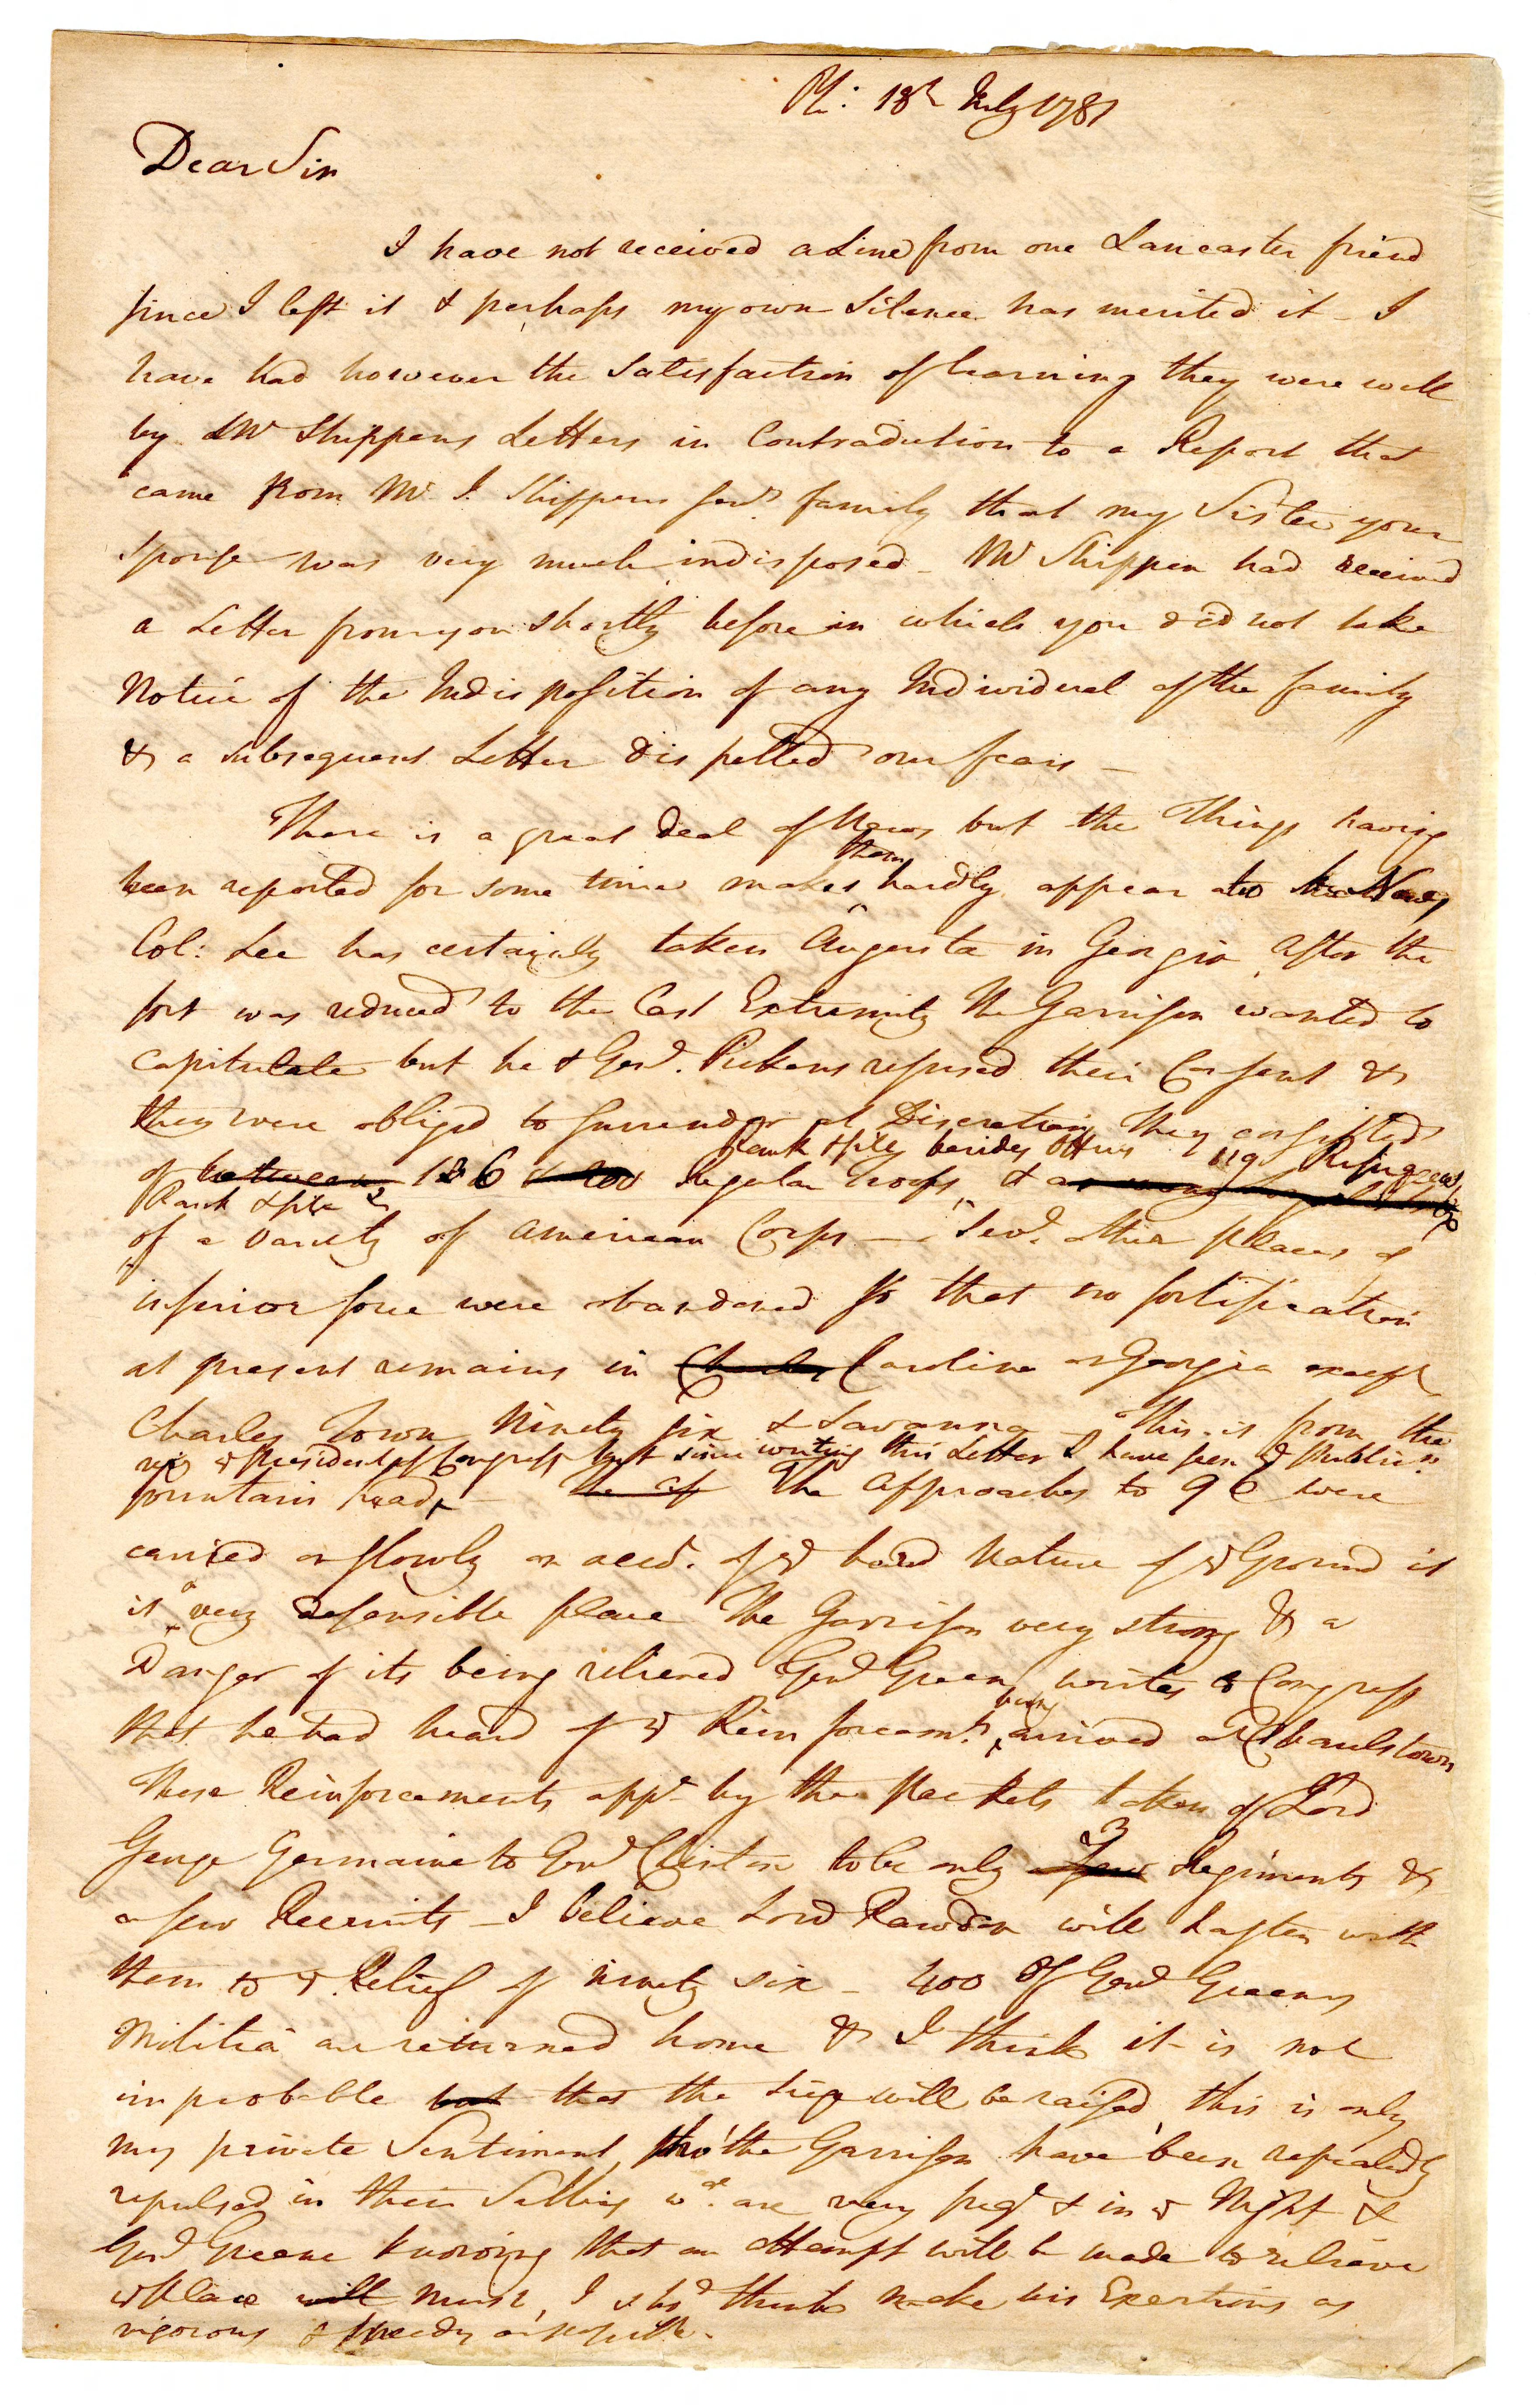Phi: 18^th July 1781
Dear Sir
I have not received a Line from one Lancaster friend
since I left it & perhaps my own Silence has merited it I
have had however the Satisfaction of learning they were well
by M^r Shippens Letters in Contradiction to a Report that
came from M^r J. Shippens fav^r. family that my Sister your
spouse was very much indisposed. M^r Shippen had received
a Letter from you shortly before in which you did not like
Notice of the Indisposition of any Individual of the family
& a subsequent Letter dispelled our fears.
There is a great deal of News but the Things having
been reported for some time makes ^ hardly appear to be New
those
Col. Lee has certainly taken Augusta in Georgia After the
fort was reduced to the last Extremity the Garrison wanted to
capitulate but he & Gen^l. Pickens refused their defeat &
they were obliged to surrender at Discretion, they consisted
of [between] 106 [& 200] Regular Troops ^ & [____________]
Rank & file besides Officers
119 Refugees
Rank & file
of variety of American Corps. Sev^l other places of
inferior force were abandoned so that no fortification
at present remains in Charles Carolina or Georgia exactly
Charles Town Ninety Six & Savanna. This is from the
of y^e President of Congress but since writing this Letter I have seen y^e Public."
fountain head ^ the of the Approaches to 96 were
carried on slowly or acced^. of y^e bad Nature of y^e Ground it
is ^ very defensible place. The Garrison very strong & a
Danger of its being relieved Gen^l Green writes to Congress
that he had heard of y^e Reinforcem^t. ^ arrived at Charlestown
very
These Reinforcements app^t by the packets & often of Lord
George Germaine to Gen^l Clinton to be only ^ four Regiments &
a few Recruits. I believe Lord Rawson will hasten with
them to y^e Relief of ninety six. 400 of Gen^l Greens
Militia are returned home & I think it is not
improbable but that the Siege will be raised this is only
my private Sentiment, tho' the Garrison have been repealed
repulsed in their Selbies w^h are very freq^t & in y^e Night &
Gen^l Grease knowing that an attempt will be made to relieve
y^e Place will must, I sho^d think make his Exertions as
vigorous & speedy as possible.